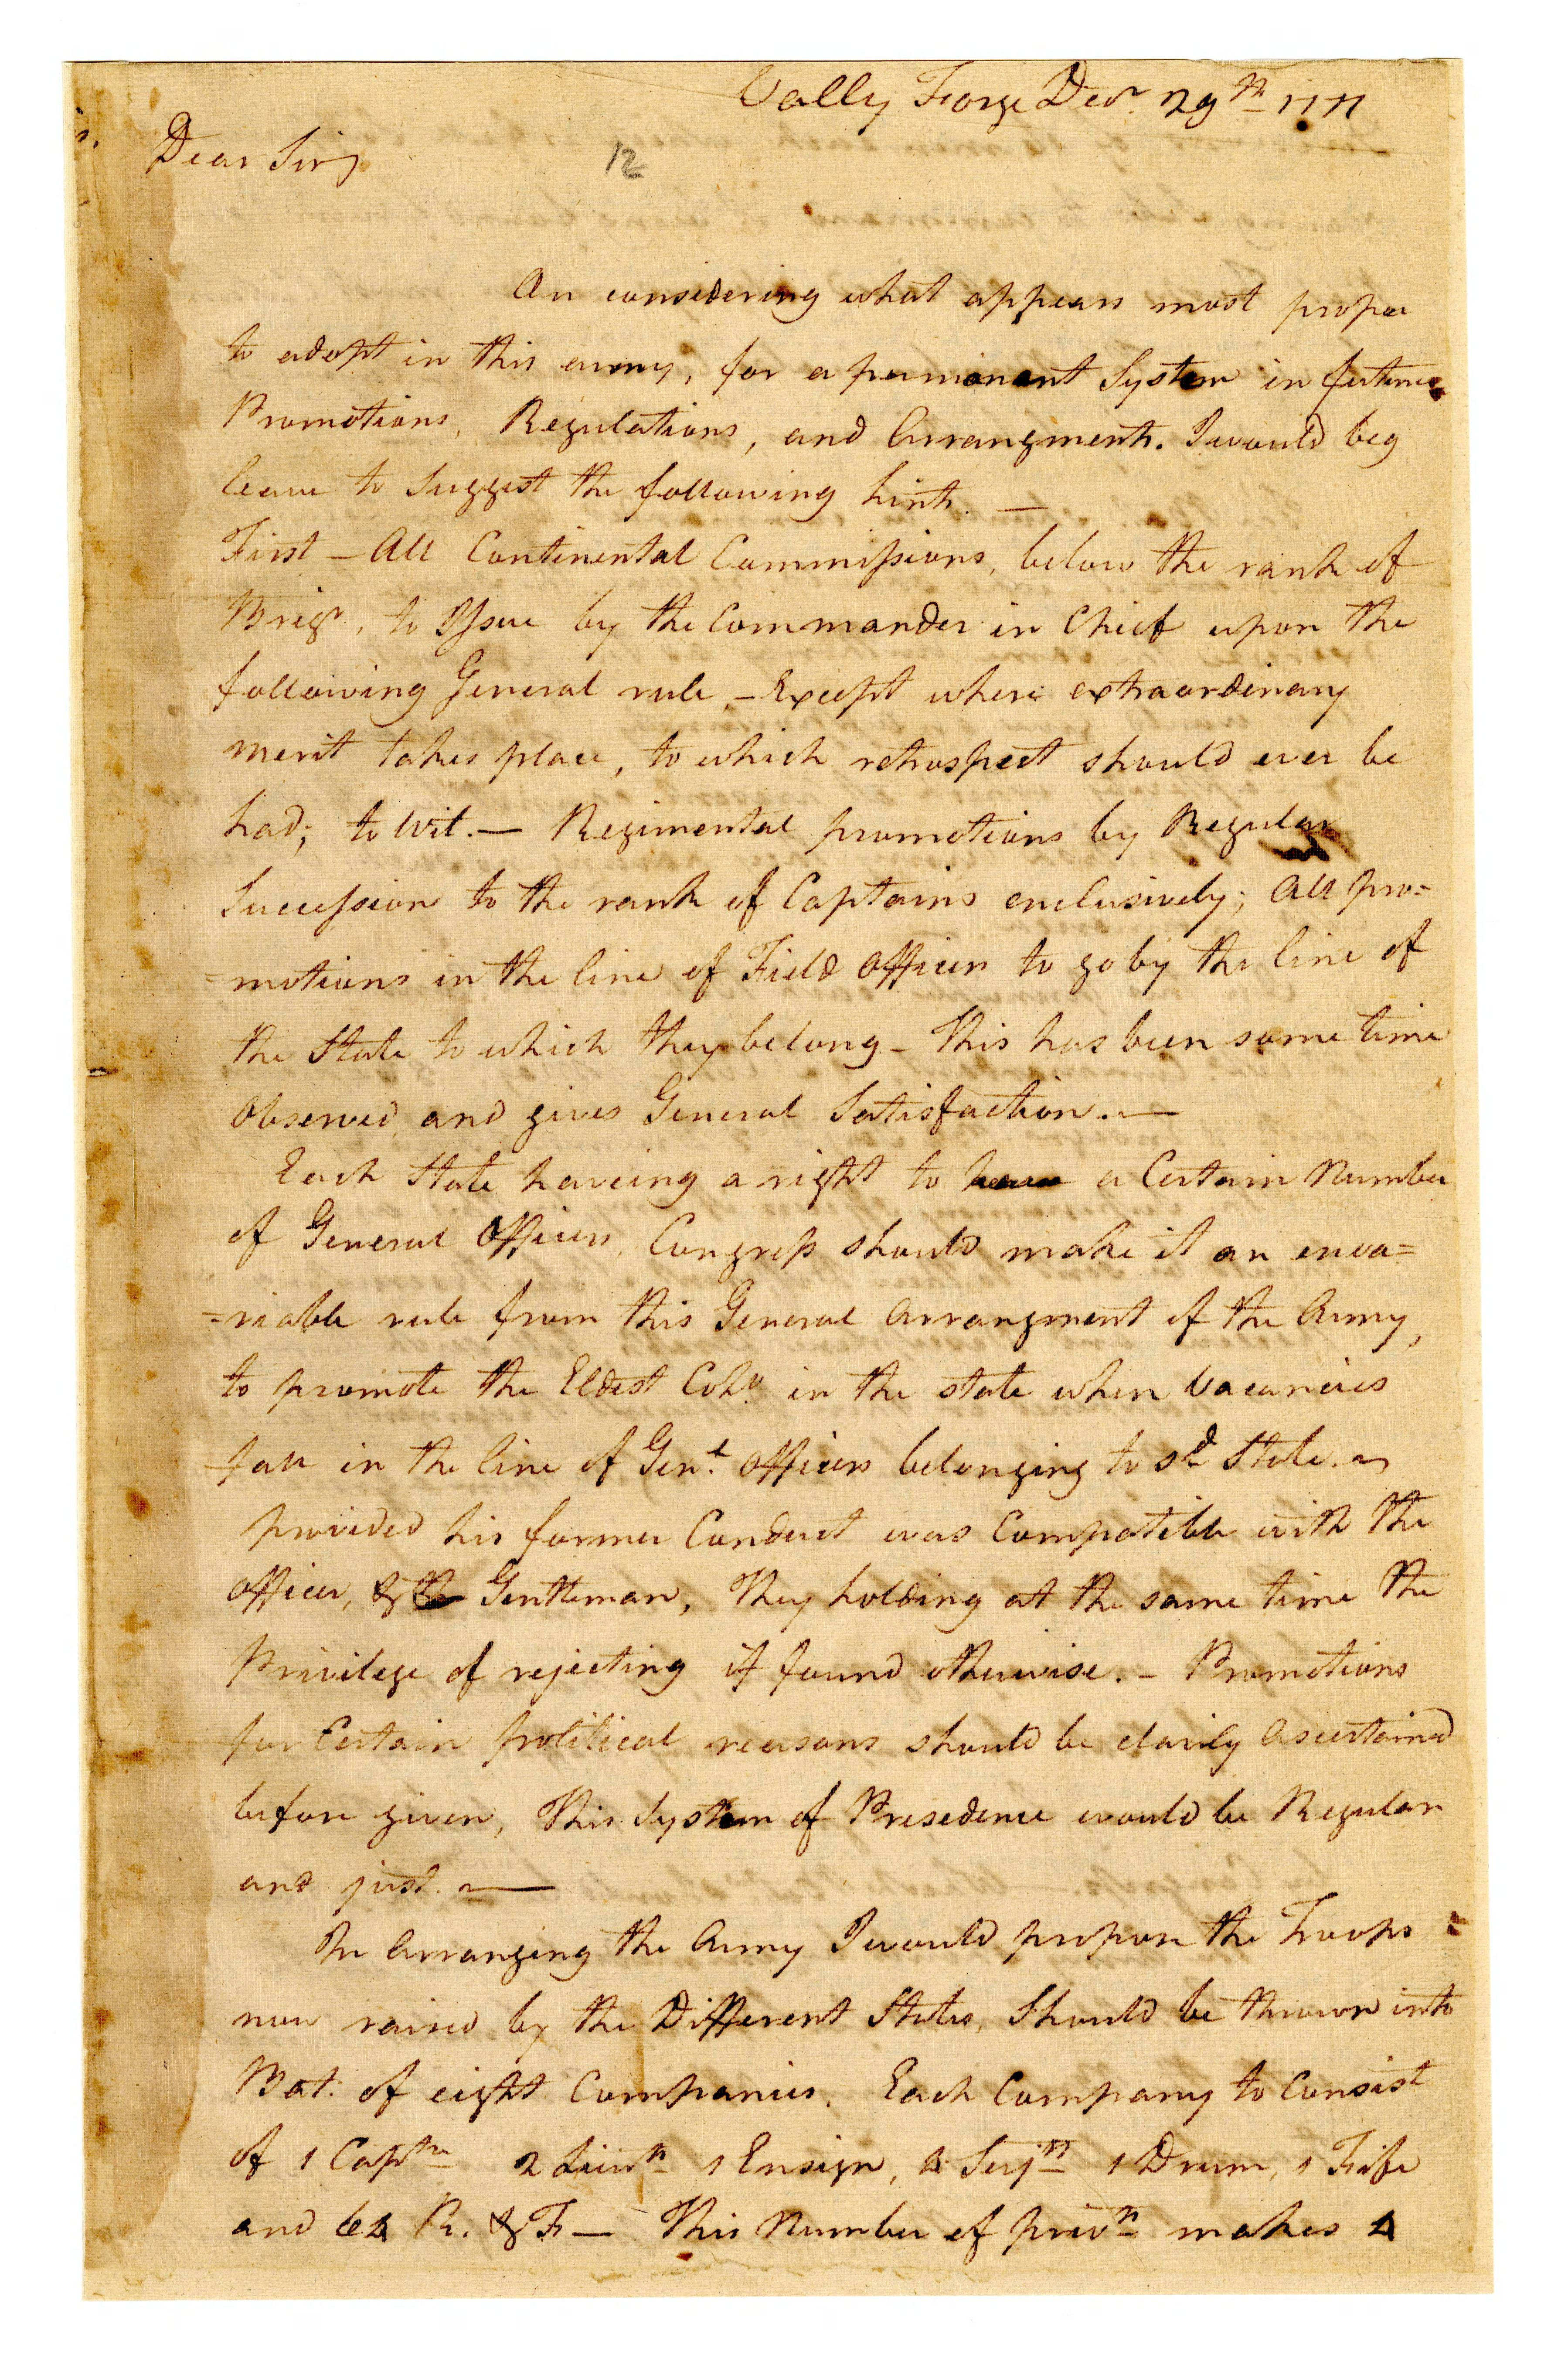Vally Forge Dec^r 29^th 1777
Dear Sir,
On considering what appears most proper
to adopt in this army, for a prominent System in future
Promotions, Regulations, and Arrangements. I would beg
leave to suggest the following hints.
First- All continental Commissions below the rank of
Brig^r, to Issue by Commander in Chief upon the
following General rule- Except where extraordinary
merit takes place, to which retrospect should ever be
had; to wit.- Regimental promotions by Regular
Succession to the rank of Captains exclusively; All pro-
-motions in the line of Field Officer to go by the line of
the State to which they belong- This has been some time
observed and gives General Satisfaction.-
Each State having a right to [____] a Certain Number
of General Officers, Congress should make it an inva-
-riable rule from this General Arrangement if the Army,
to promote the Eldest Col^o. in the state when vacancies
fall in the line of Gen^l. Officers belonging to s^d. State-
provided his former Conduct was Compatible with the
officer, & Gentleman, They holding at the same time the
Privilege of rejecting if found otherwise.- Promotions
for Certain political reasons should be clarily Ascertained
before given, This system of Presidence would be Regular
and just.-
In Arranging the Army I would propose the Troops
now raised by the Different States Should be thrown into
Bat: of eight Companies. Each Company to consist
of 1 Cap^tn 2 Lieu^ts 1 Ensign, 4 Serj^ts 1 Drum, 1 Fife
and 64 R. & F- This number of priv^ts makes 4